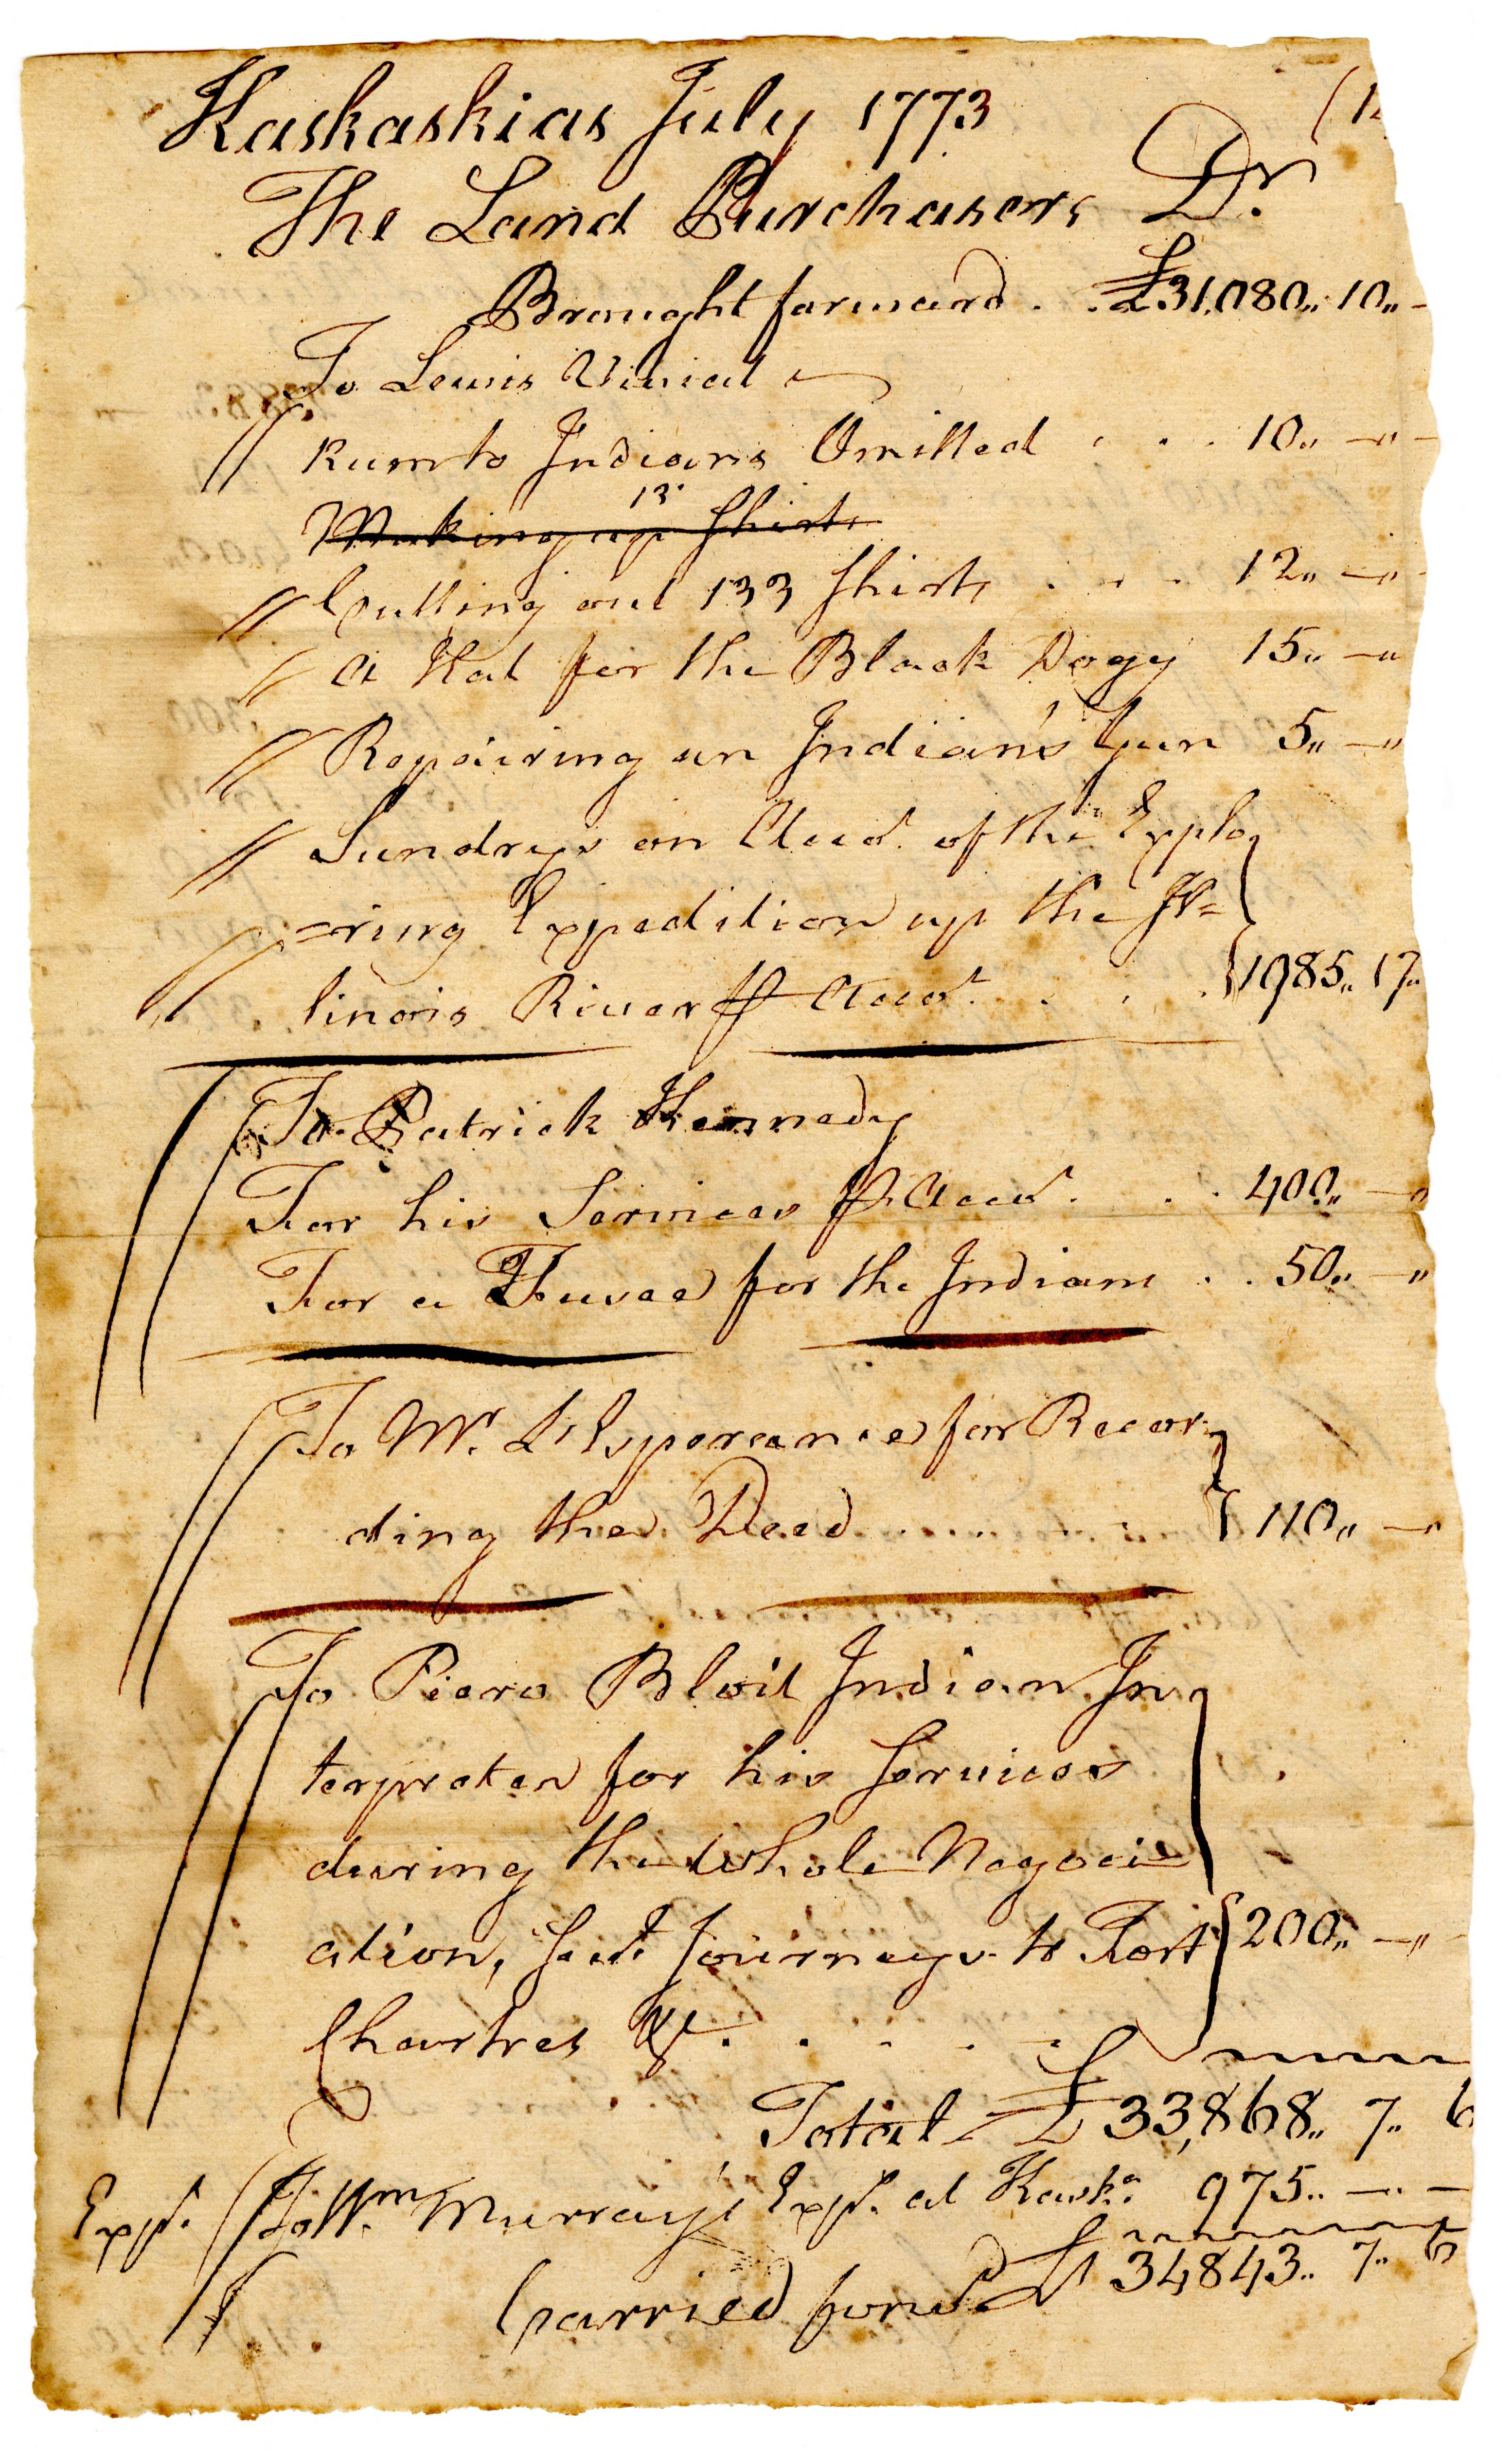Kaskaskias July 1773
The Land Purchasers D^r.
Brought forward.. £31,080.10.
To Lewis Vinicel-
Rum to Indians Omitted ...10.-
[making up shirts]
Calling out 133 Shirts... 12.-
A Hat for the Black Dogy 15.-
Roquesting an Indians Gun 5..-
Sundrys on Acco^t of the explor-
-ing Expedition up the Il-
linois River per Acco^t.
£1985.17.
To Patrick Hennedy
For his service per acco^t
400.
For a Fuvae for the Indians
50.
To M^r L Suporeame for Recor-
-ding the Deed. ........£110.-
To Pierre Bloil Indian for
terproken taken for his services
during the whole Negoci
ation, said Journeys to Fort 200..-
Chartres &c.
Total £33,868.7.6
Esq^r to W^m Murray Exp^s. at Kewk^a. 975..-.-
275
carried forw^d. £ 34843..7..6